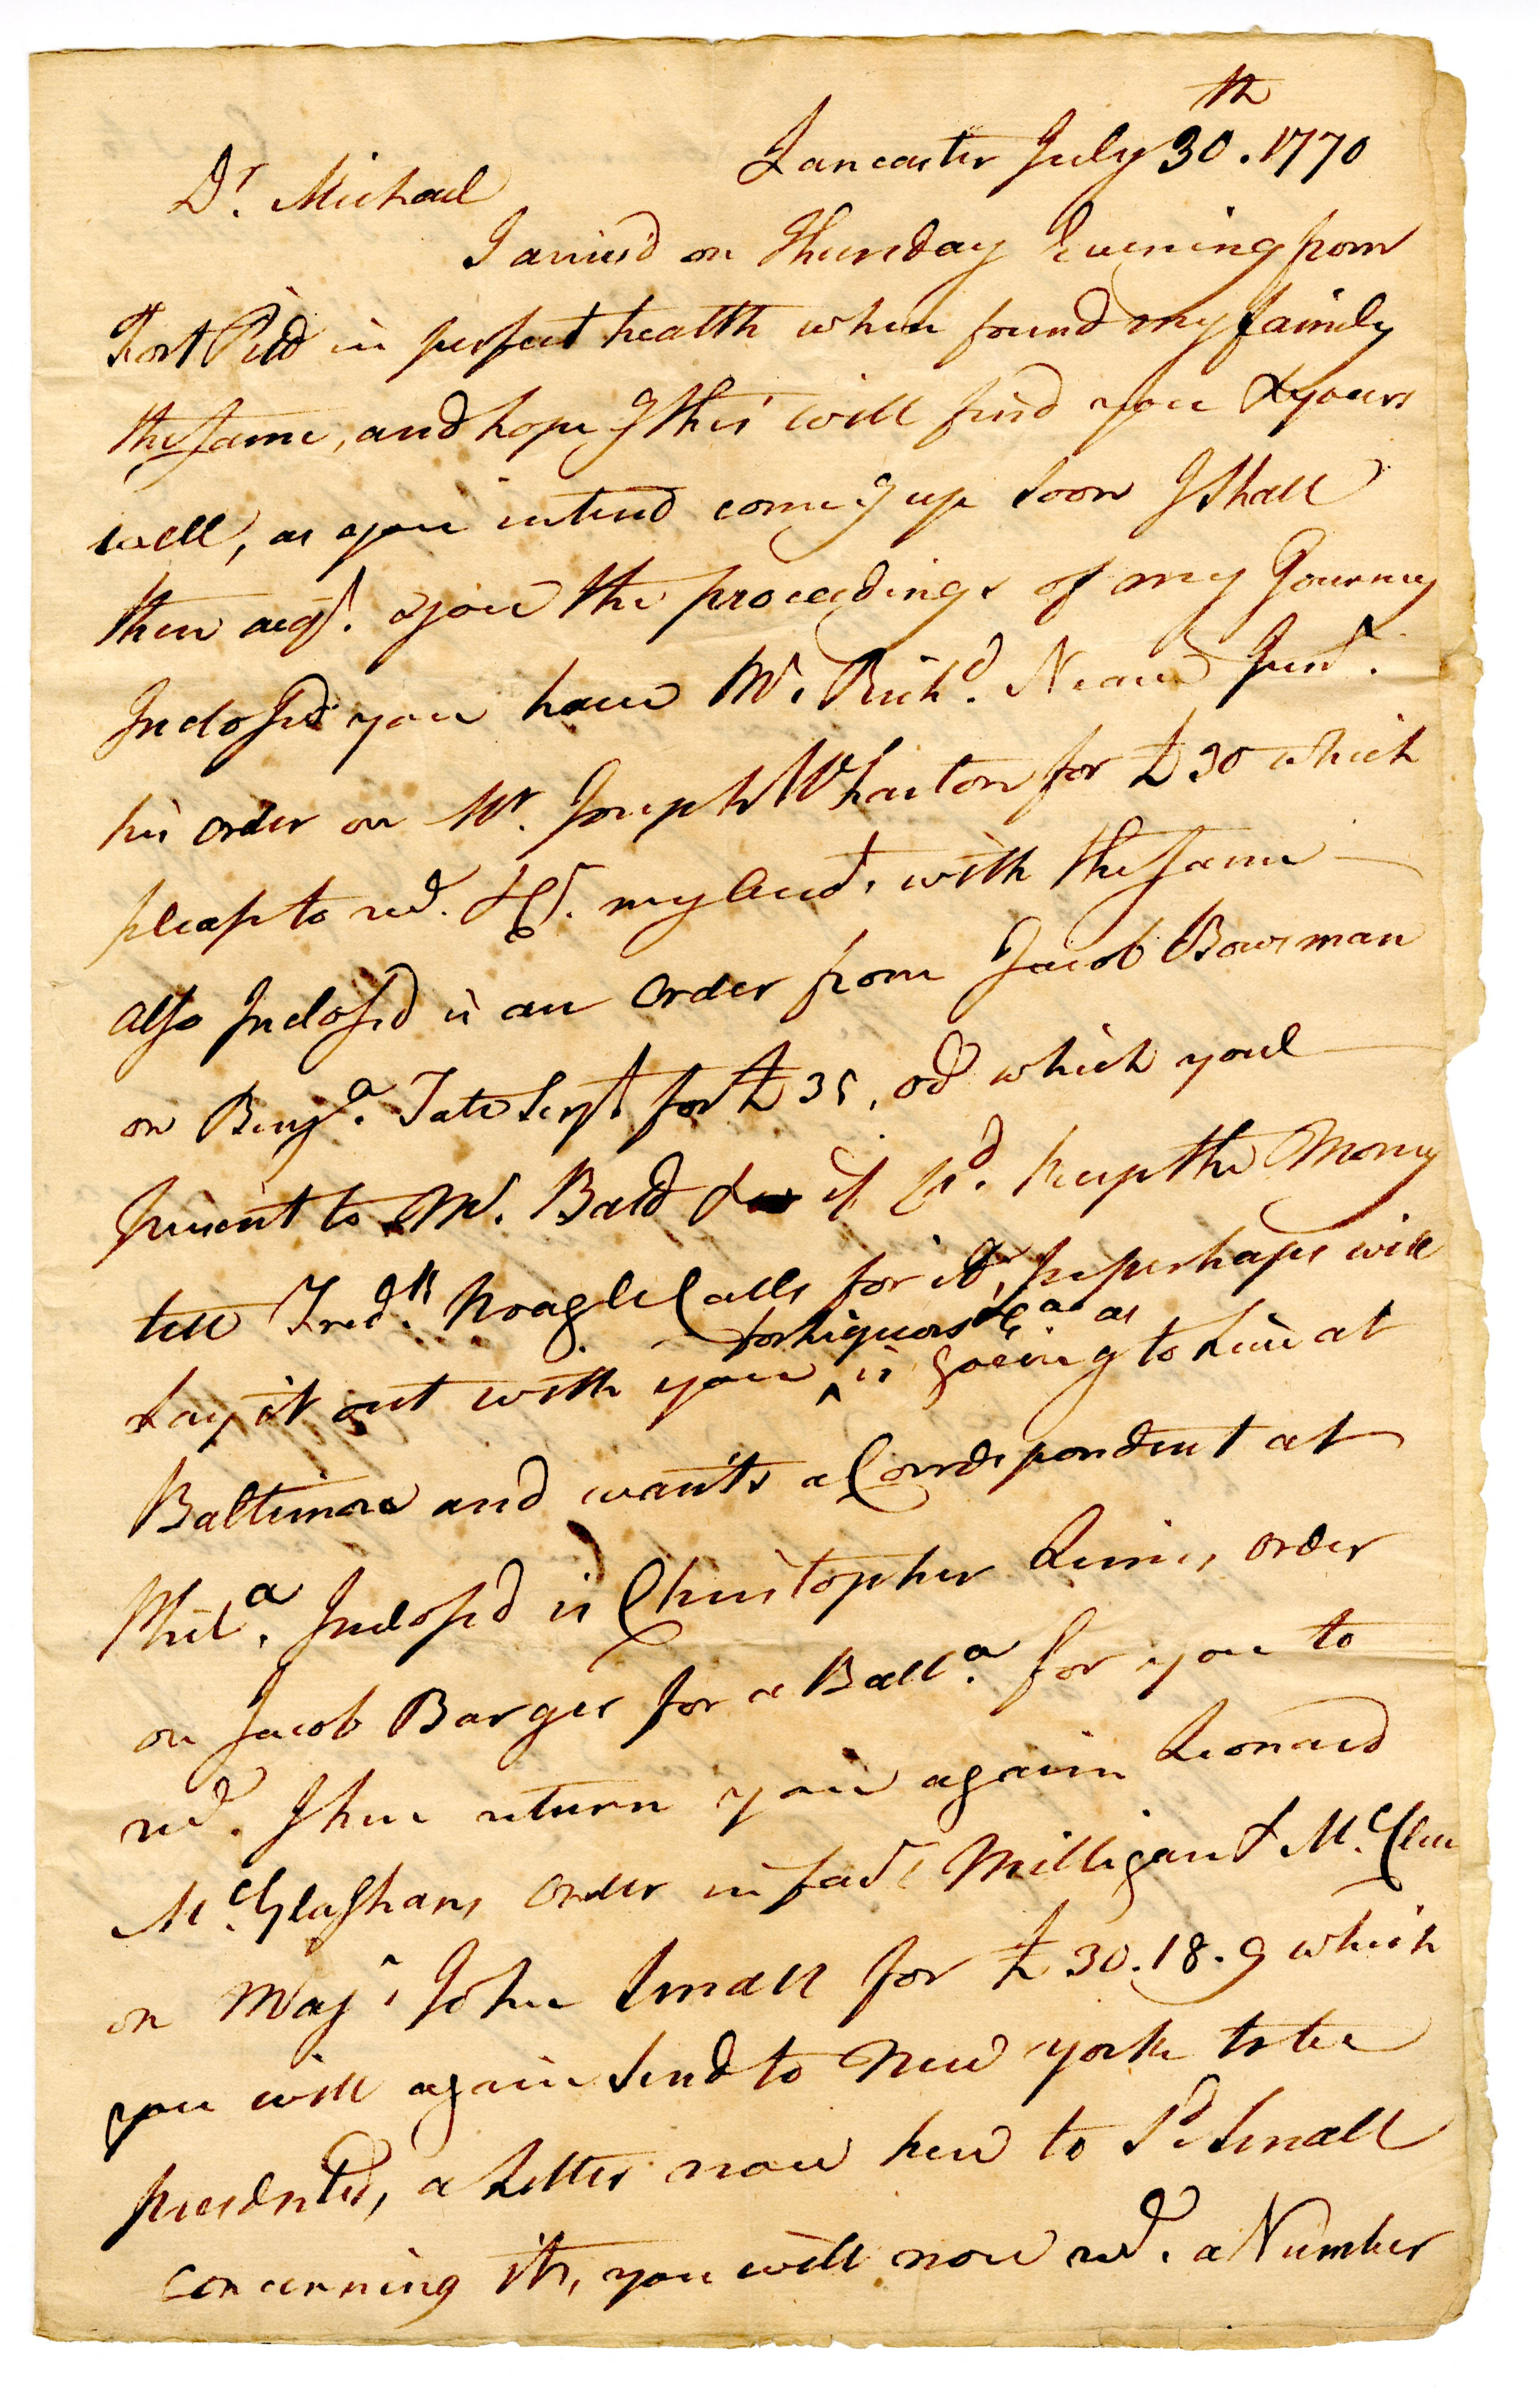Lancaster July 30^th. 1770
D^r Michael
I arriv'd on Thursday Evening from
Fort Pitt in perfect health when found my family
the same, and hope^g this will find you & yours
well, as again intend come^g up soon I shall
then acq^t. you the proceedings of my Journey
Inclosed you have M^r. Rich^d. Neare Jun^r.
his order on M^r Joseph Wharton for £30 which
please to rec^d. &C. my Acco^t with the same-
also Inclosd is an order from Jacob Bowman
on Benj^.a Tate Sent for £35, od which youl
present to M^. Bert & if Cr^d. keep the Money
tell Fred^k. Noagle Calls for it, perhaps will
for Liquors &C^a as
Lay it out with you ^ is goeing to live at
Baltimore and wants a Correspondent at
Phil^a. Inclosd is Christopher Lewis order
on Jacob Barger for a Ball^ce for you to
rec^e. I here return you again Leonard
M^c.Glaghans order in fav^r Milligan & M^c.Clee
on may to be small for £30.18.9 which
you will again send to New York to be
presented, a Letter now here to s^d. Small
concerning it, you will now rec^d. a Number